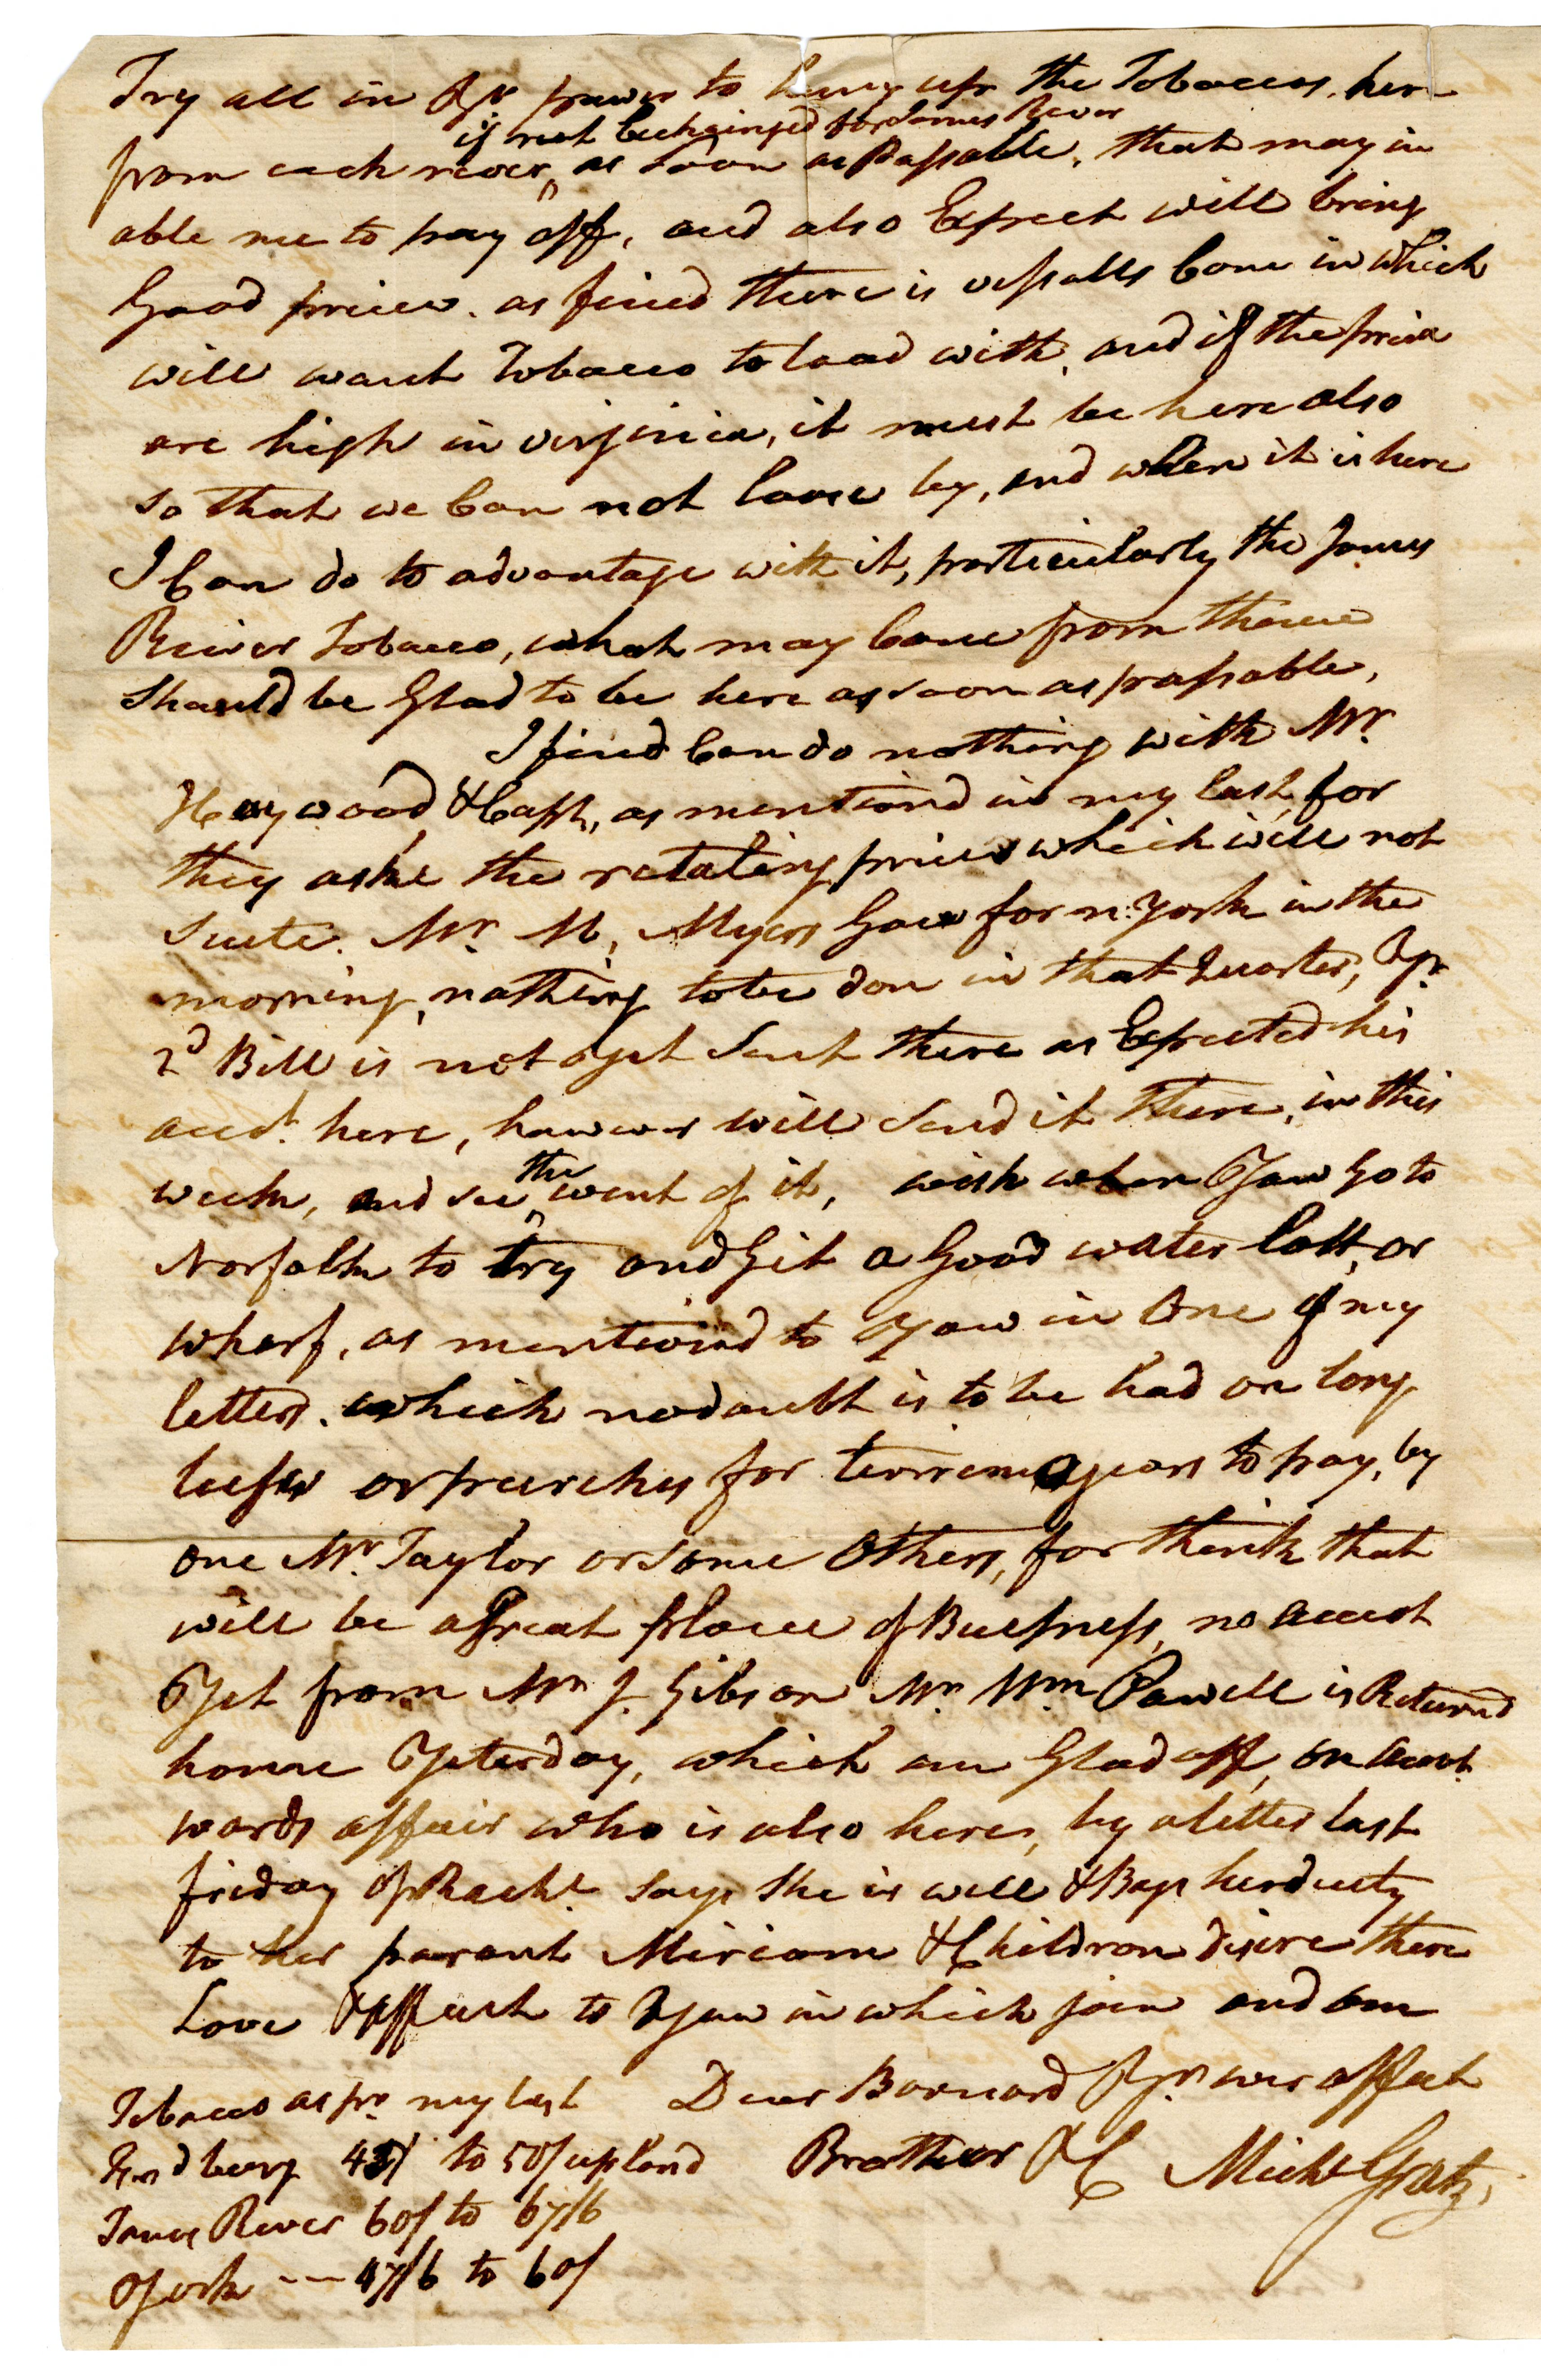Try all in &^r power to bring up the Tobacco here
if not be Exchainged to James River
from each river ^ as soon as possable, that may in
able me to pay off, and also Expect will bring
Good prices. as priced there is vessalls Come in which
will want Tobacco to load with, and if the prices
are high in Virginia, it must be here also
so that we can not come by, and when it is here
I can do to advantage with it, particularly the James
River Tobacco, which may Come from there
should be Glad to be here as soon as possable
I find Can do nothing with M^r
Haywood & Captn, as mentiond in my last for
they aske the retaling prices which will not
Suite. M^r M. Myers goes for N York in the
morning, nothing to be don in that quarter, y^r.
2d Bill is not yet Sent there as expected his
acco^t here, however will send it there, in this
week, and see ^the event of it, which when you go to
Norfolk to try and git a Good water lott or
wharf as mentiond to you in one of my
letters which no doubt is to be had on long
leesse or purchas for turning yours to pay, by
one M^r. Taylor or Some Others, for think that
will be a great place of Buisness, no acco^t
yet from M^r J Gibson M^r W^m Powell is Returned
home yesterday, which am Glad off, on acco^t
words affair who is also here by a letter last
friday of which says she is well & Begs her duty
to her parents Miriam & Children desire there
love & Affect to you in which join and care
Dear Barnard yr. very affect
Brother &C
Mich^l Gratz
Tobacco as per my last
and being 43s to 50s as land
James River 60s to 67s6
York- 47s6 to 60s